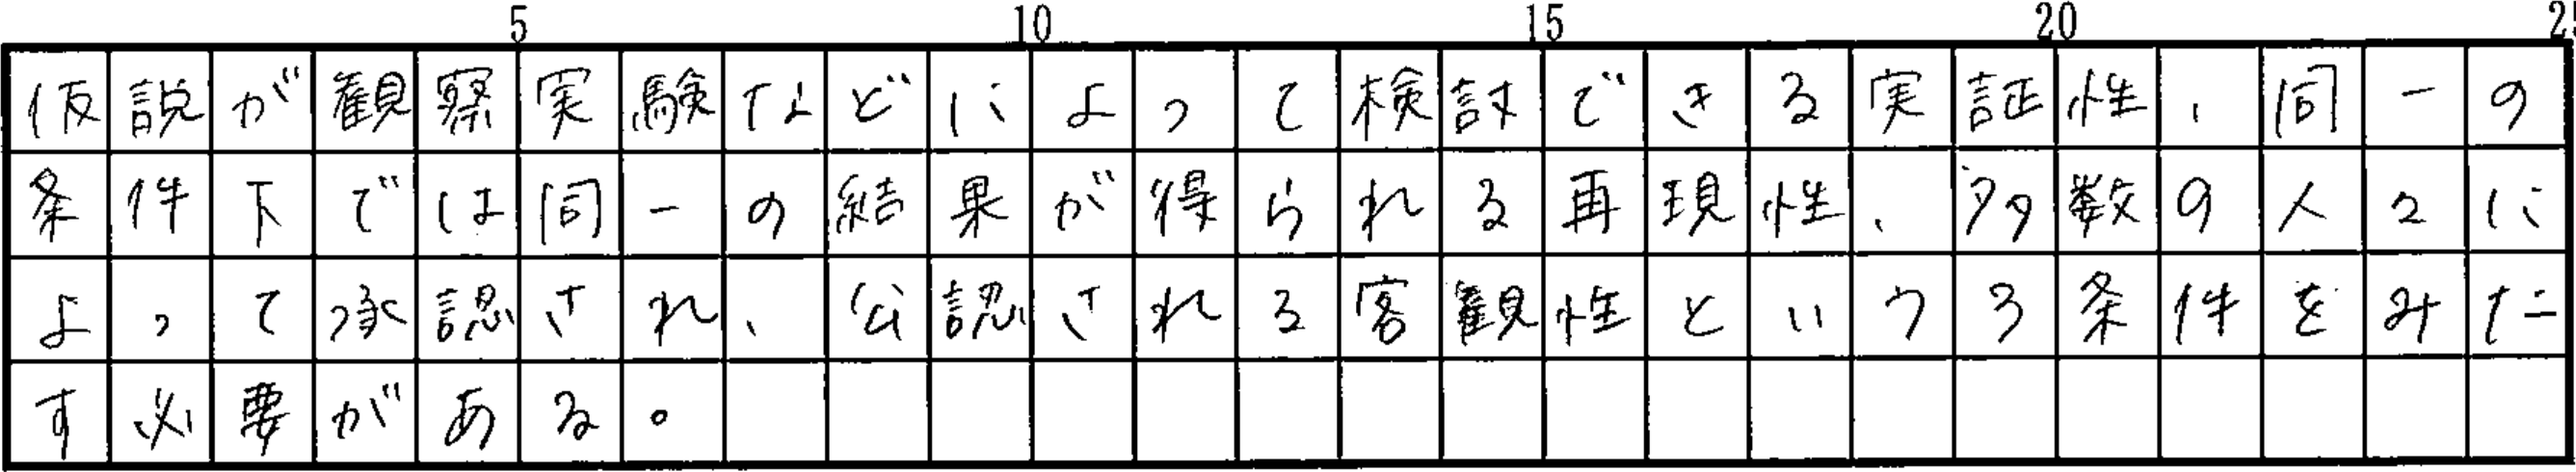仮説が観察実験などによって検討できる実証性、同一の条件下では同一の結果が得られる再現性、多数の人々によって承認され、公認される客観性という３条件をみたす必要がある
